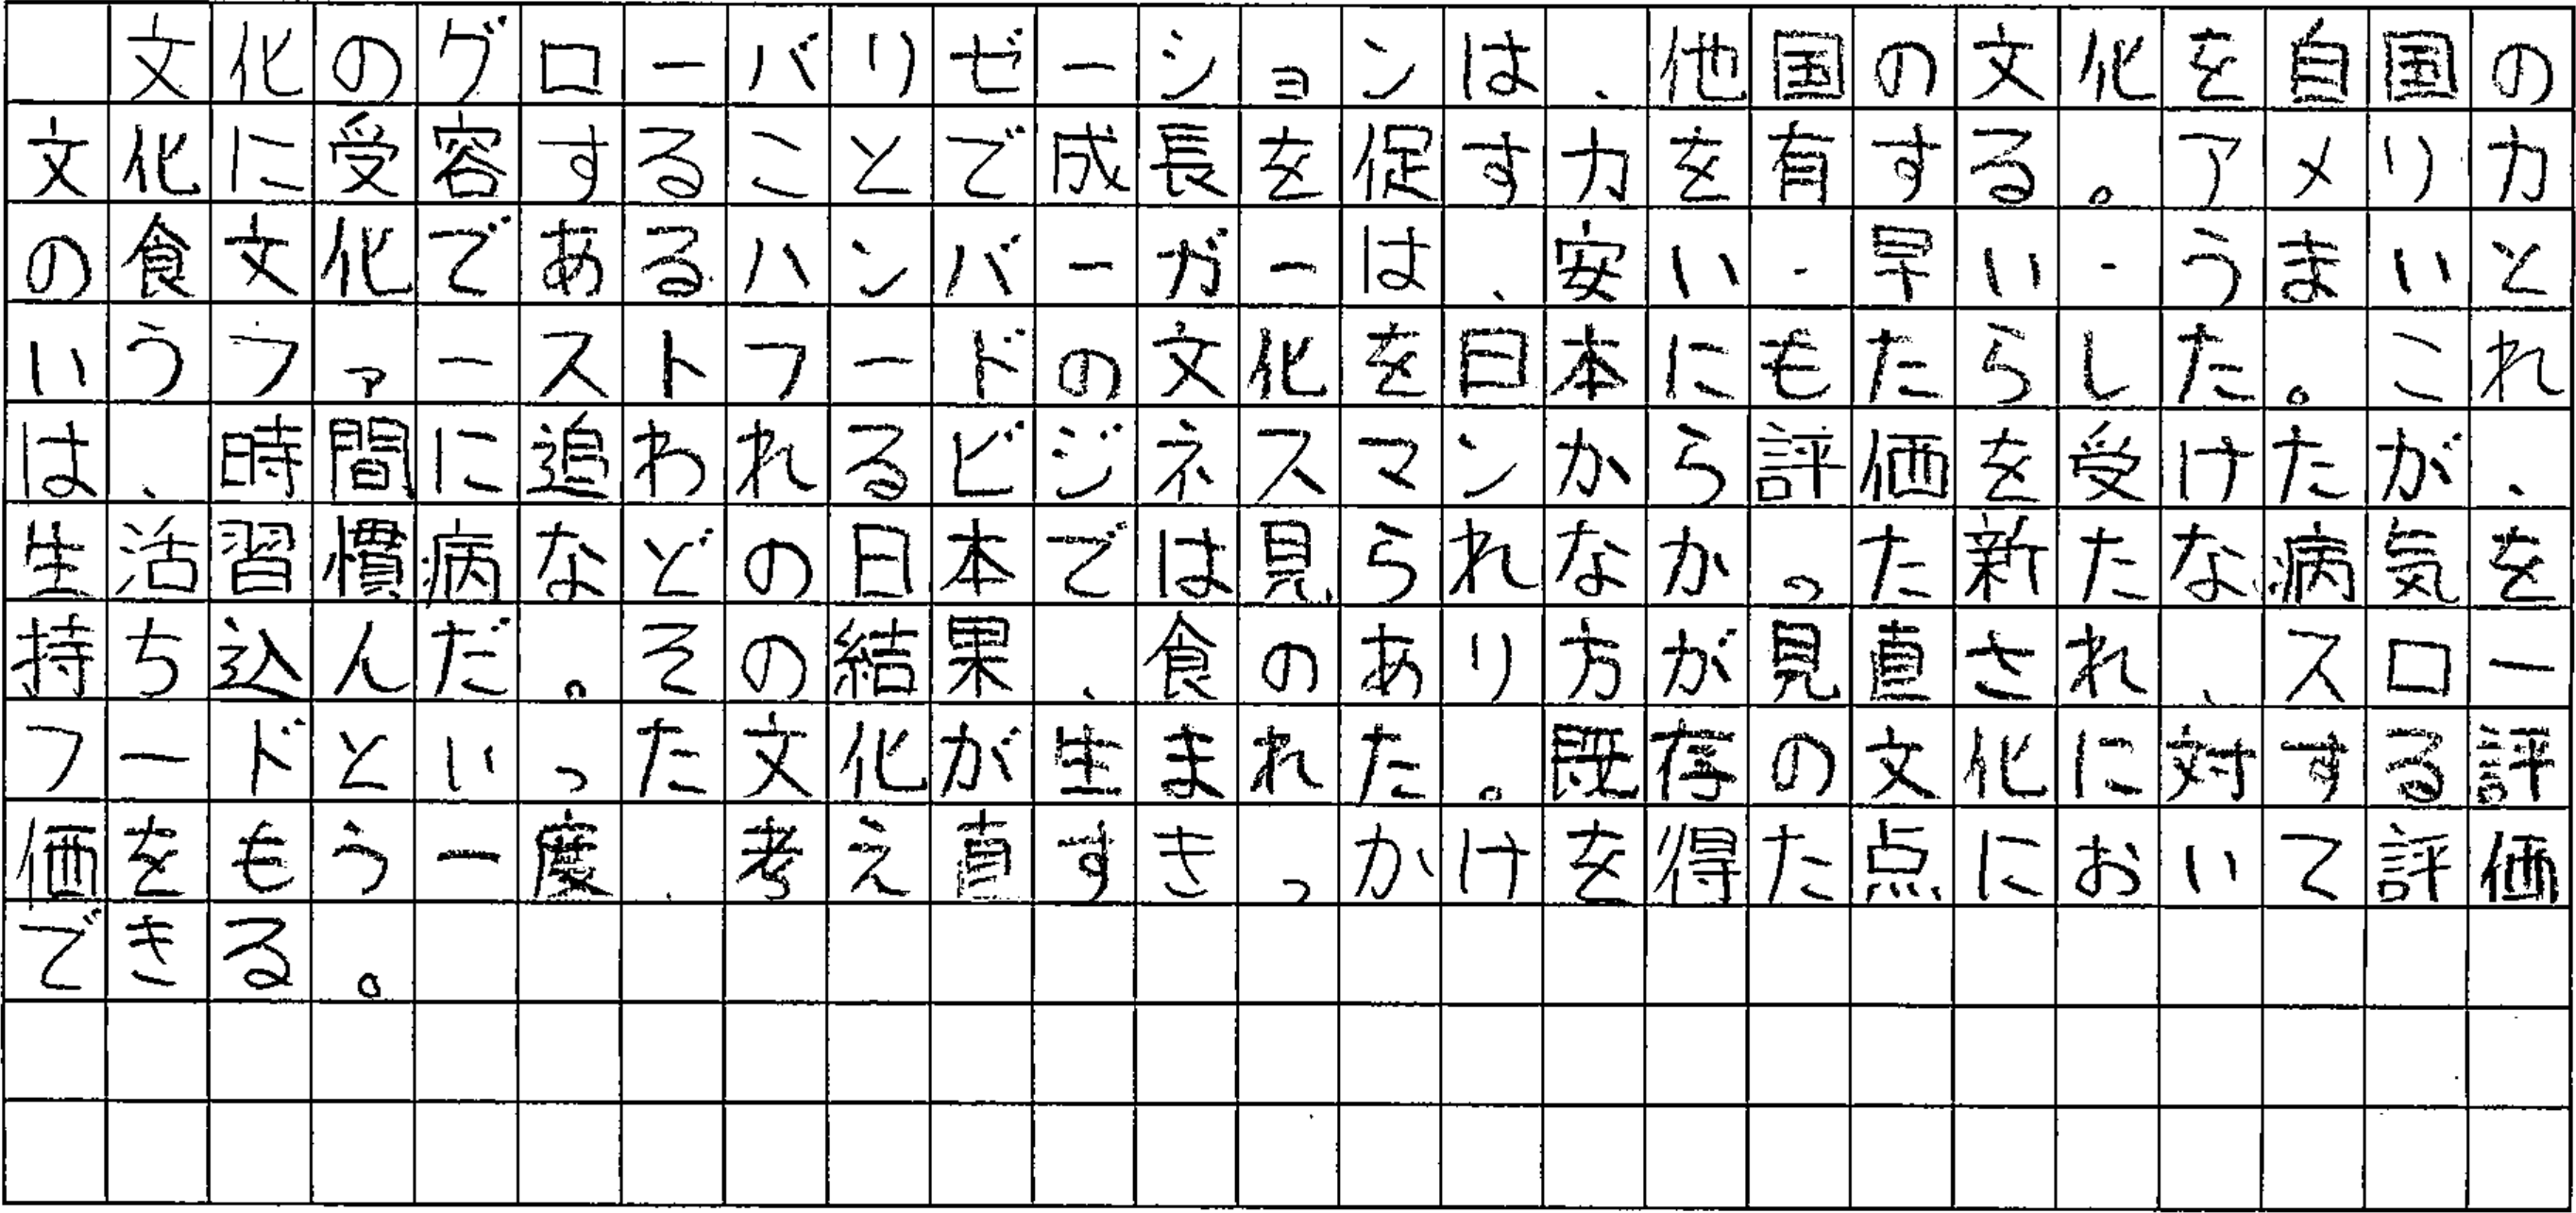　文化のグローバリゼーションは、他国の文化を自国の文化に受容することで成長を促す力を有する。アメリカの食文化であるハンバーガーは、安い・早い・うまいというファーストフードの文化を日本にもたらした。これは、時間に追われるビジネスマンから評価を受けたが、生活習慣病などの日本では見られなかった新たな病気を持ち込んだ。その結果、食のあり方が見直され、スローフードといった文化が生まれた。既存の文化に対する評価をもう一度、考え直すきっかけを得た点において評価できる。
